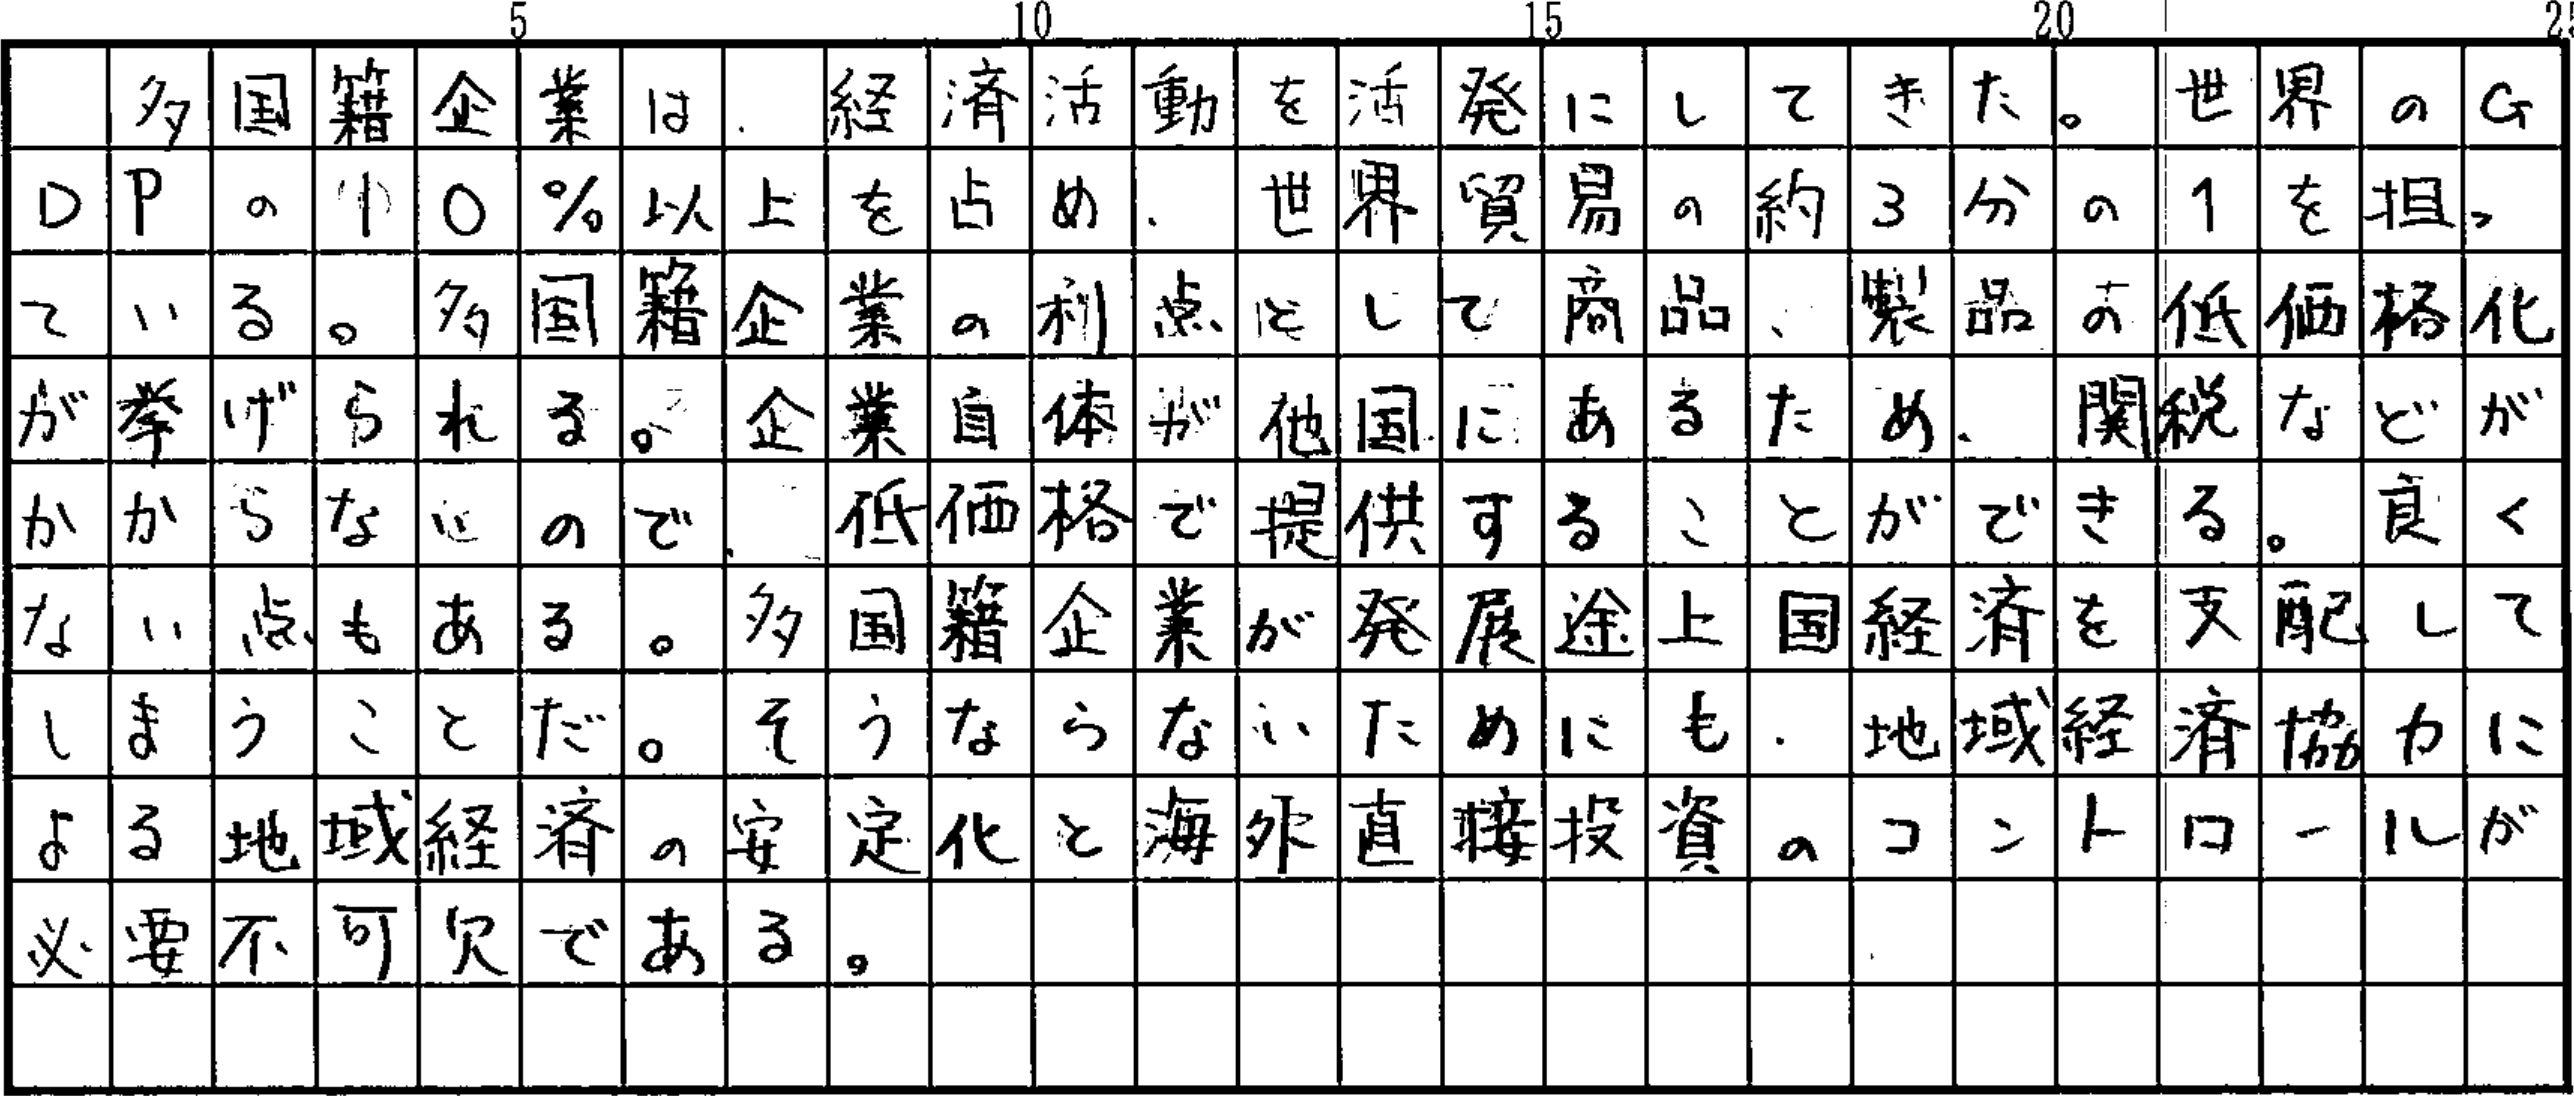　多国籍企業は、経済活動を活発にしてきた。世界のＧＤＰの１０％以上を占め、世界貿易の約３分の１を担っている。多国籍企業の利点として商品、製品の低価格化が挙げられる。企業自体が他国にあるため、関税などがかからないので、低価格で提供することができる。良くない点もある。多国籍企業が発展途上国経済を支配してしまうことだ。そうならないためにも、地域経済協力による地域経済の安定化と海外直接投資のコントロールが必要不可欠である。
